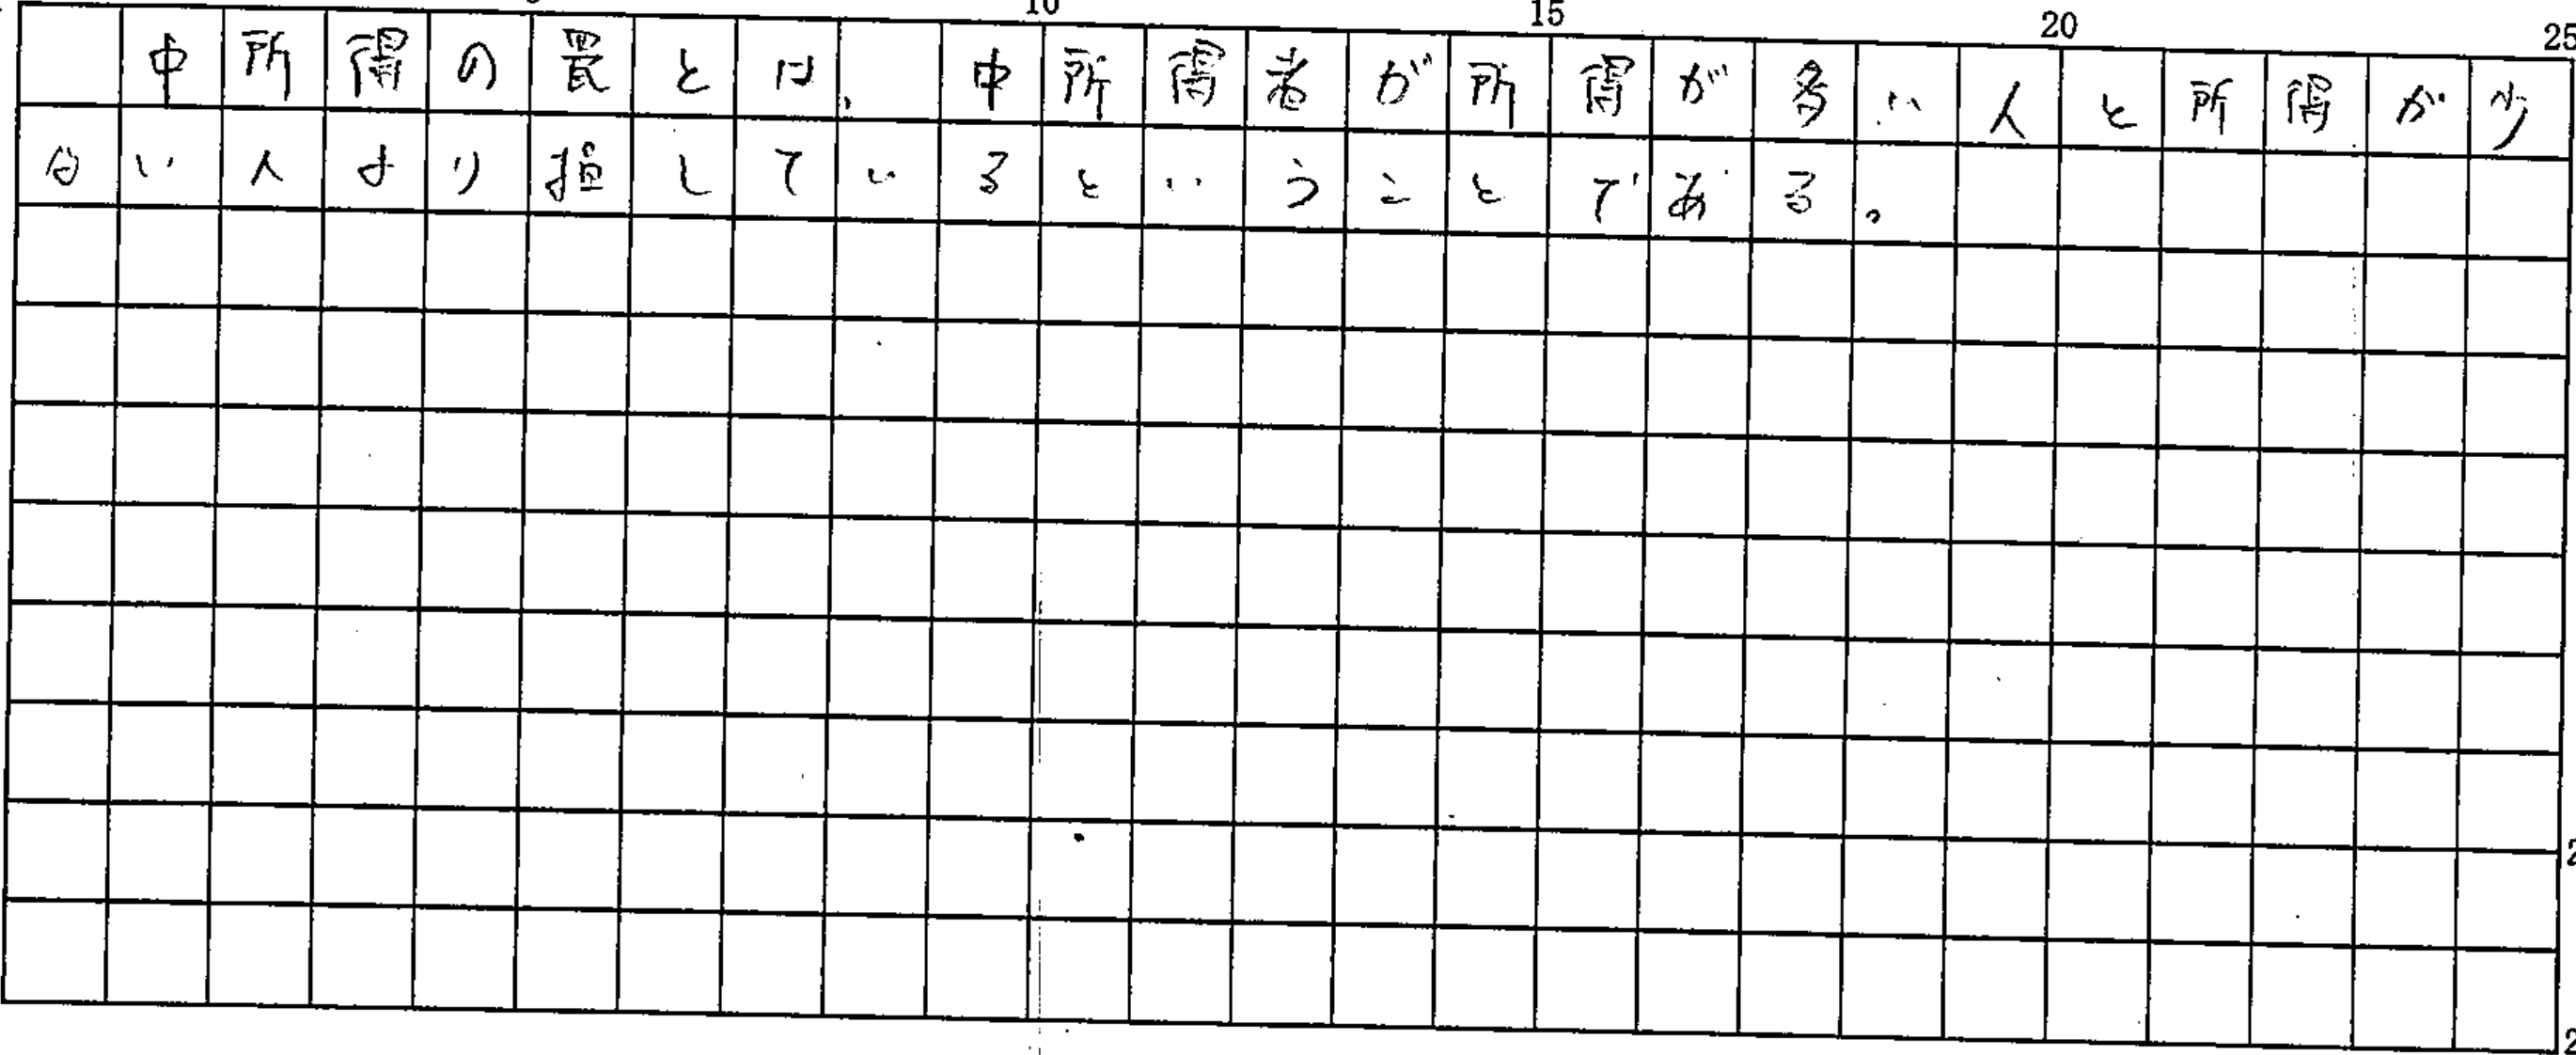　中所得の罠とは、中所得者が所得が多い人と所得が少ない人より損しているということである。
